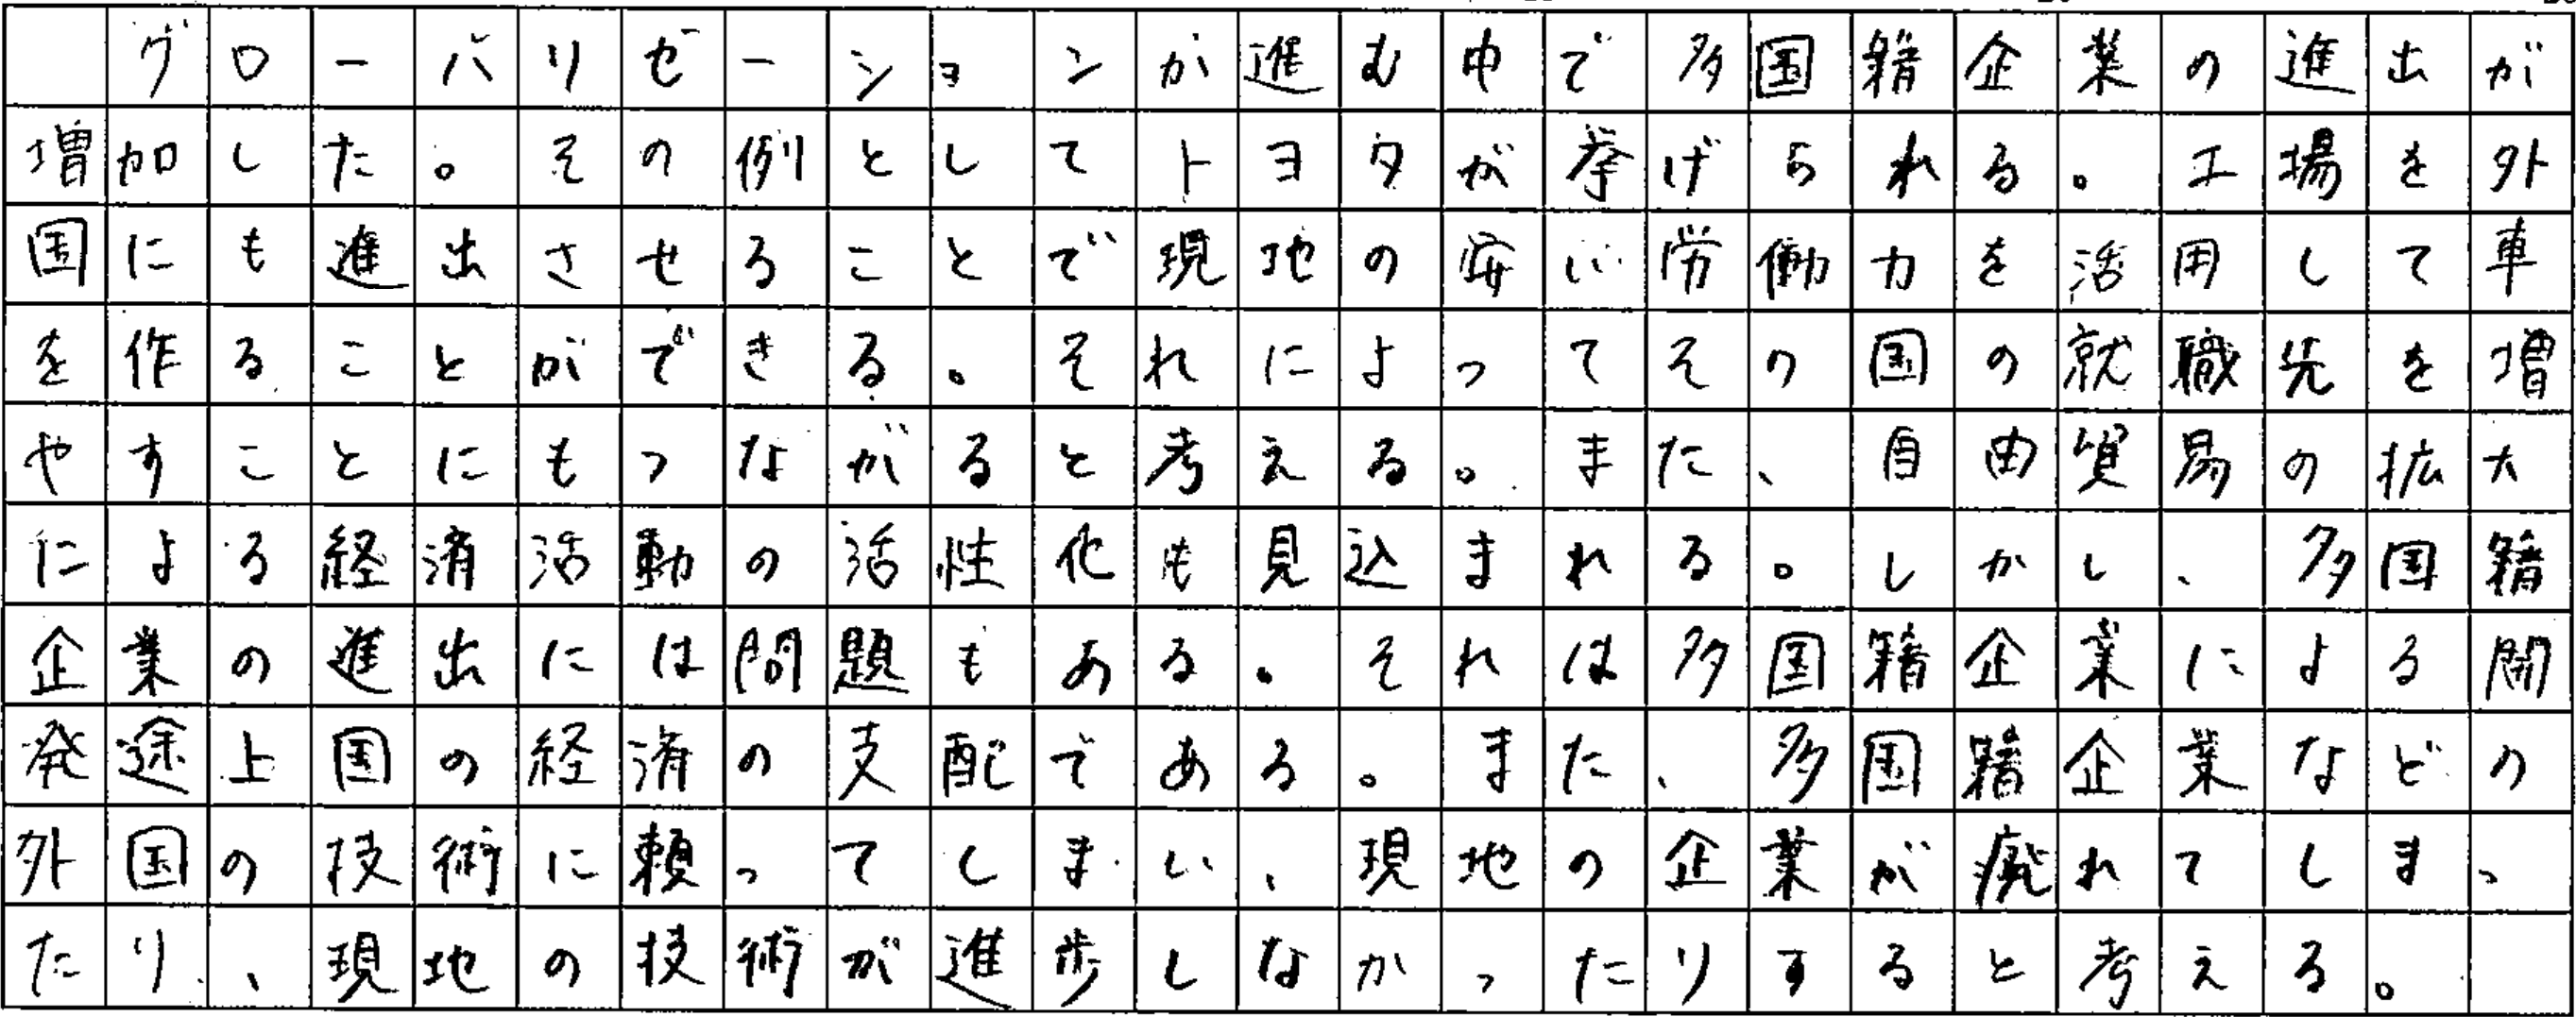　グローバリゼーションが進む中で多国籍企業の進出が増加した。その例としてトヨタが挙げられる。工場を外国にも進出させることで現地の安い労働力を活用して車を作ることができる。それによってその国の就職先を増やすことにもつながると考える。また、自由貿易の拡大による経済活動の活性化も見込まれる。しかし、多国籍企業の進出には問題もある。それは多国籍企業による開発途上国の経済の支配である。また、多国籍企業などの外国の技術に頼ってしまい、現地の企業が廃れてしまったり、現地の技術が進歩しなかったりすると考える。
